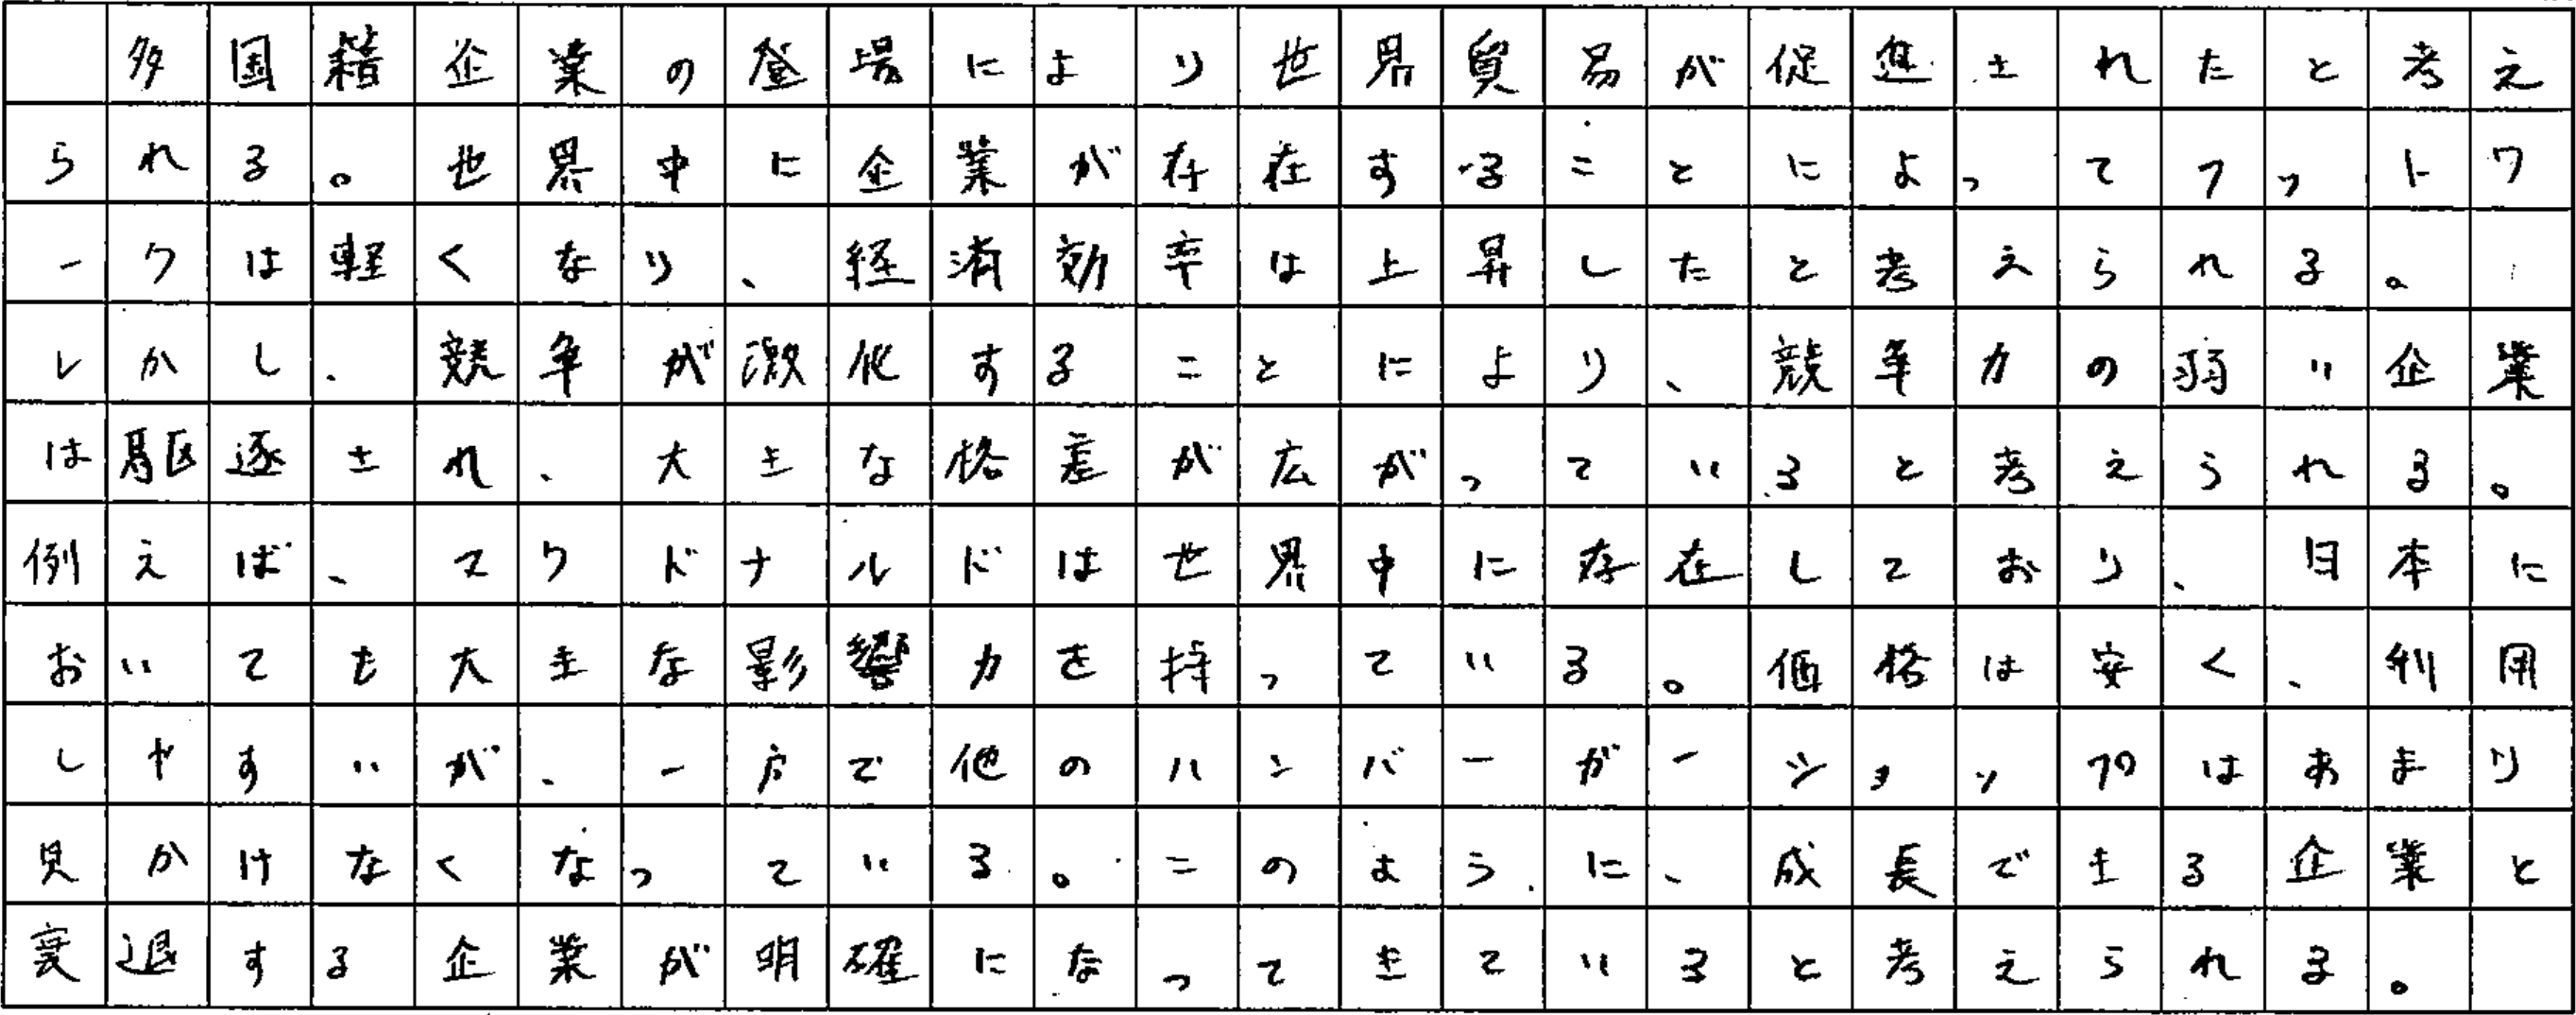　多国籍企業の登場により世界貿易が促進されたと考えられる。世界中に企業が存在することによってフットワークは軽くなり、経済効率は上昇したと考えられる。
しかし競争が激化することにより、競争力の弱い企業は駆逐され、大きな格差が広がっていると考えられる。例えば、マクドナルドは世界中に存在しており、日本においても大きな影響力を持っている。価格は安く、利用しやすいが、一方で他のハンバーガーショップはあまり見かけなくなっている。このように、成長できる企業と衰退する企業が明確になってきていると考えられる。
